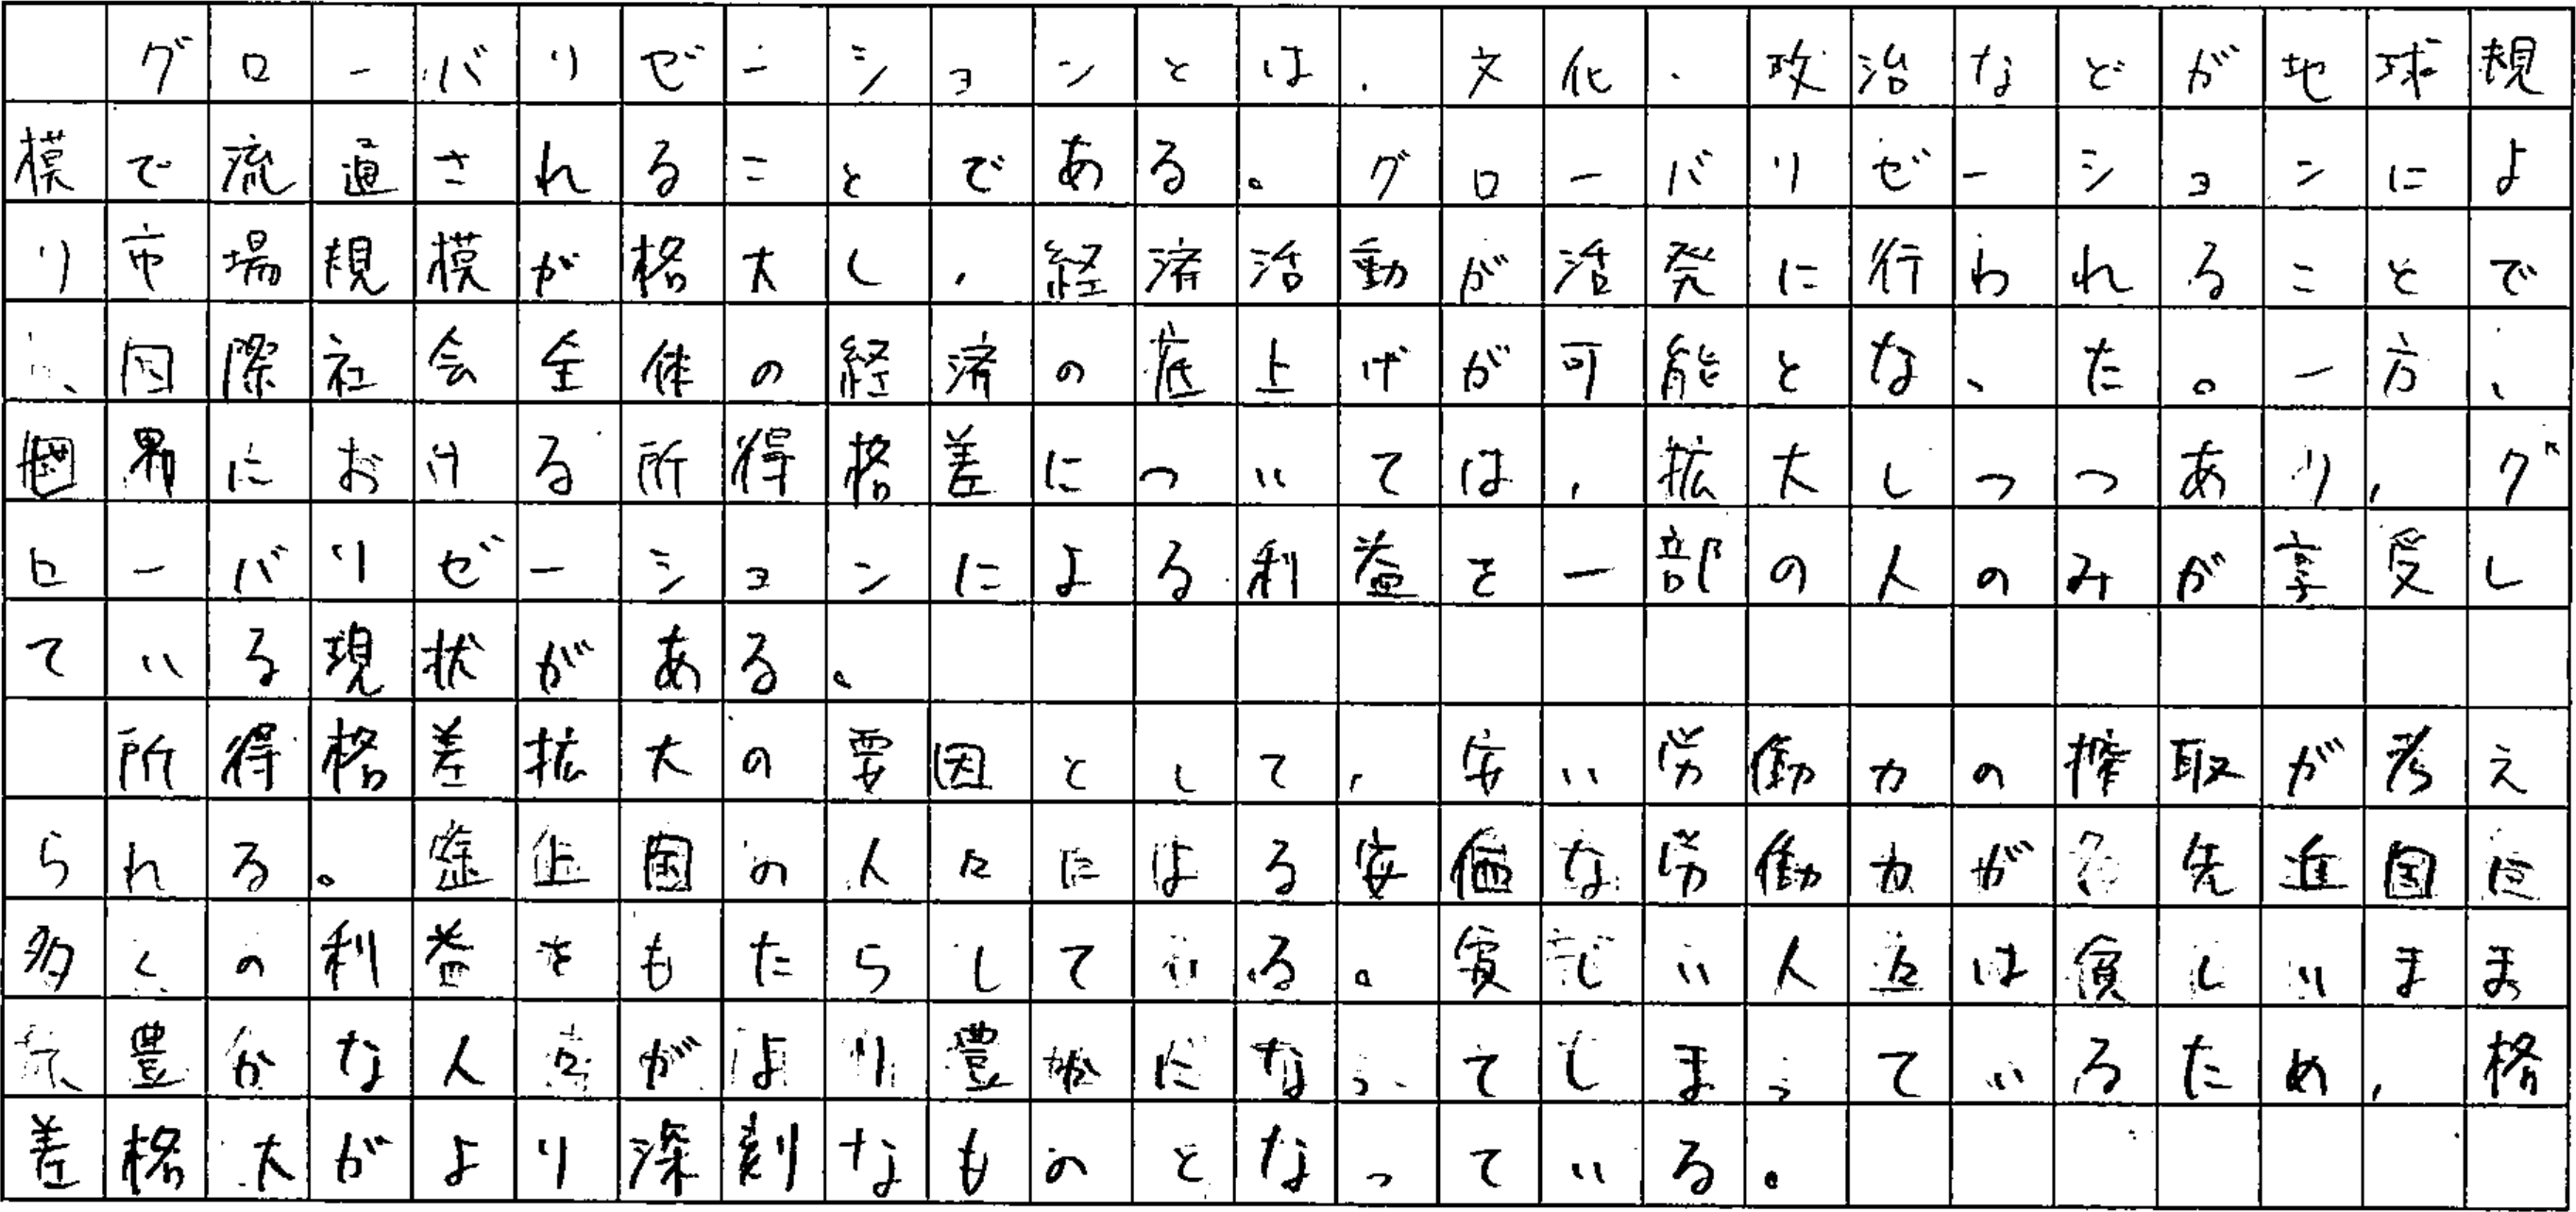　グローバリゼーションとは、文化・政治などが地球規模で流通されることである。グローバリゼーションにより市場規模が格大し、経済活動が活発に行われることで、国際社会全体の経済の底上げが可能となった。一方、▁界における所得格差については、拡大しつつあり、グローバリゼーションによる利益を一部の人のみが享受している現状がある。
　所得格差拡大の要因として、安い労働力の搾取が考えられる。途上国の人々による安価な労働力が、先進国に多くの利益をもたらしている。貧しい人々は貧しいまま、豊かな人々がより豊かになってしまっているため、格差格大がより深刻なものとなっている。
